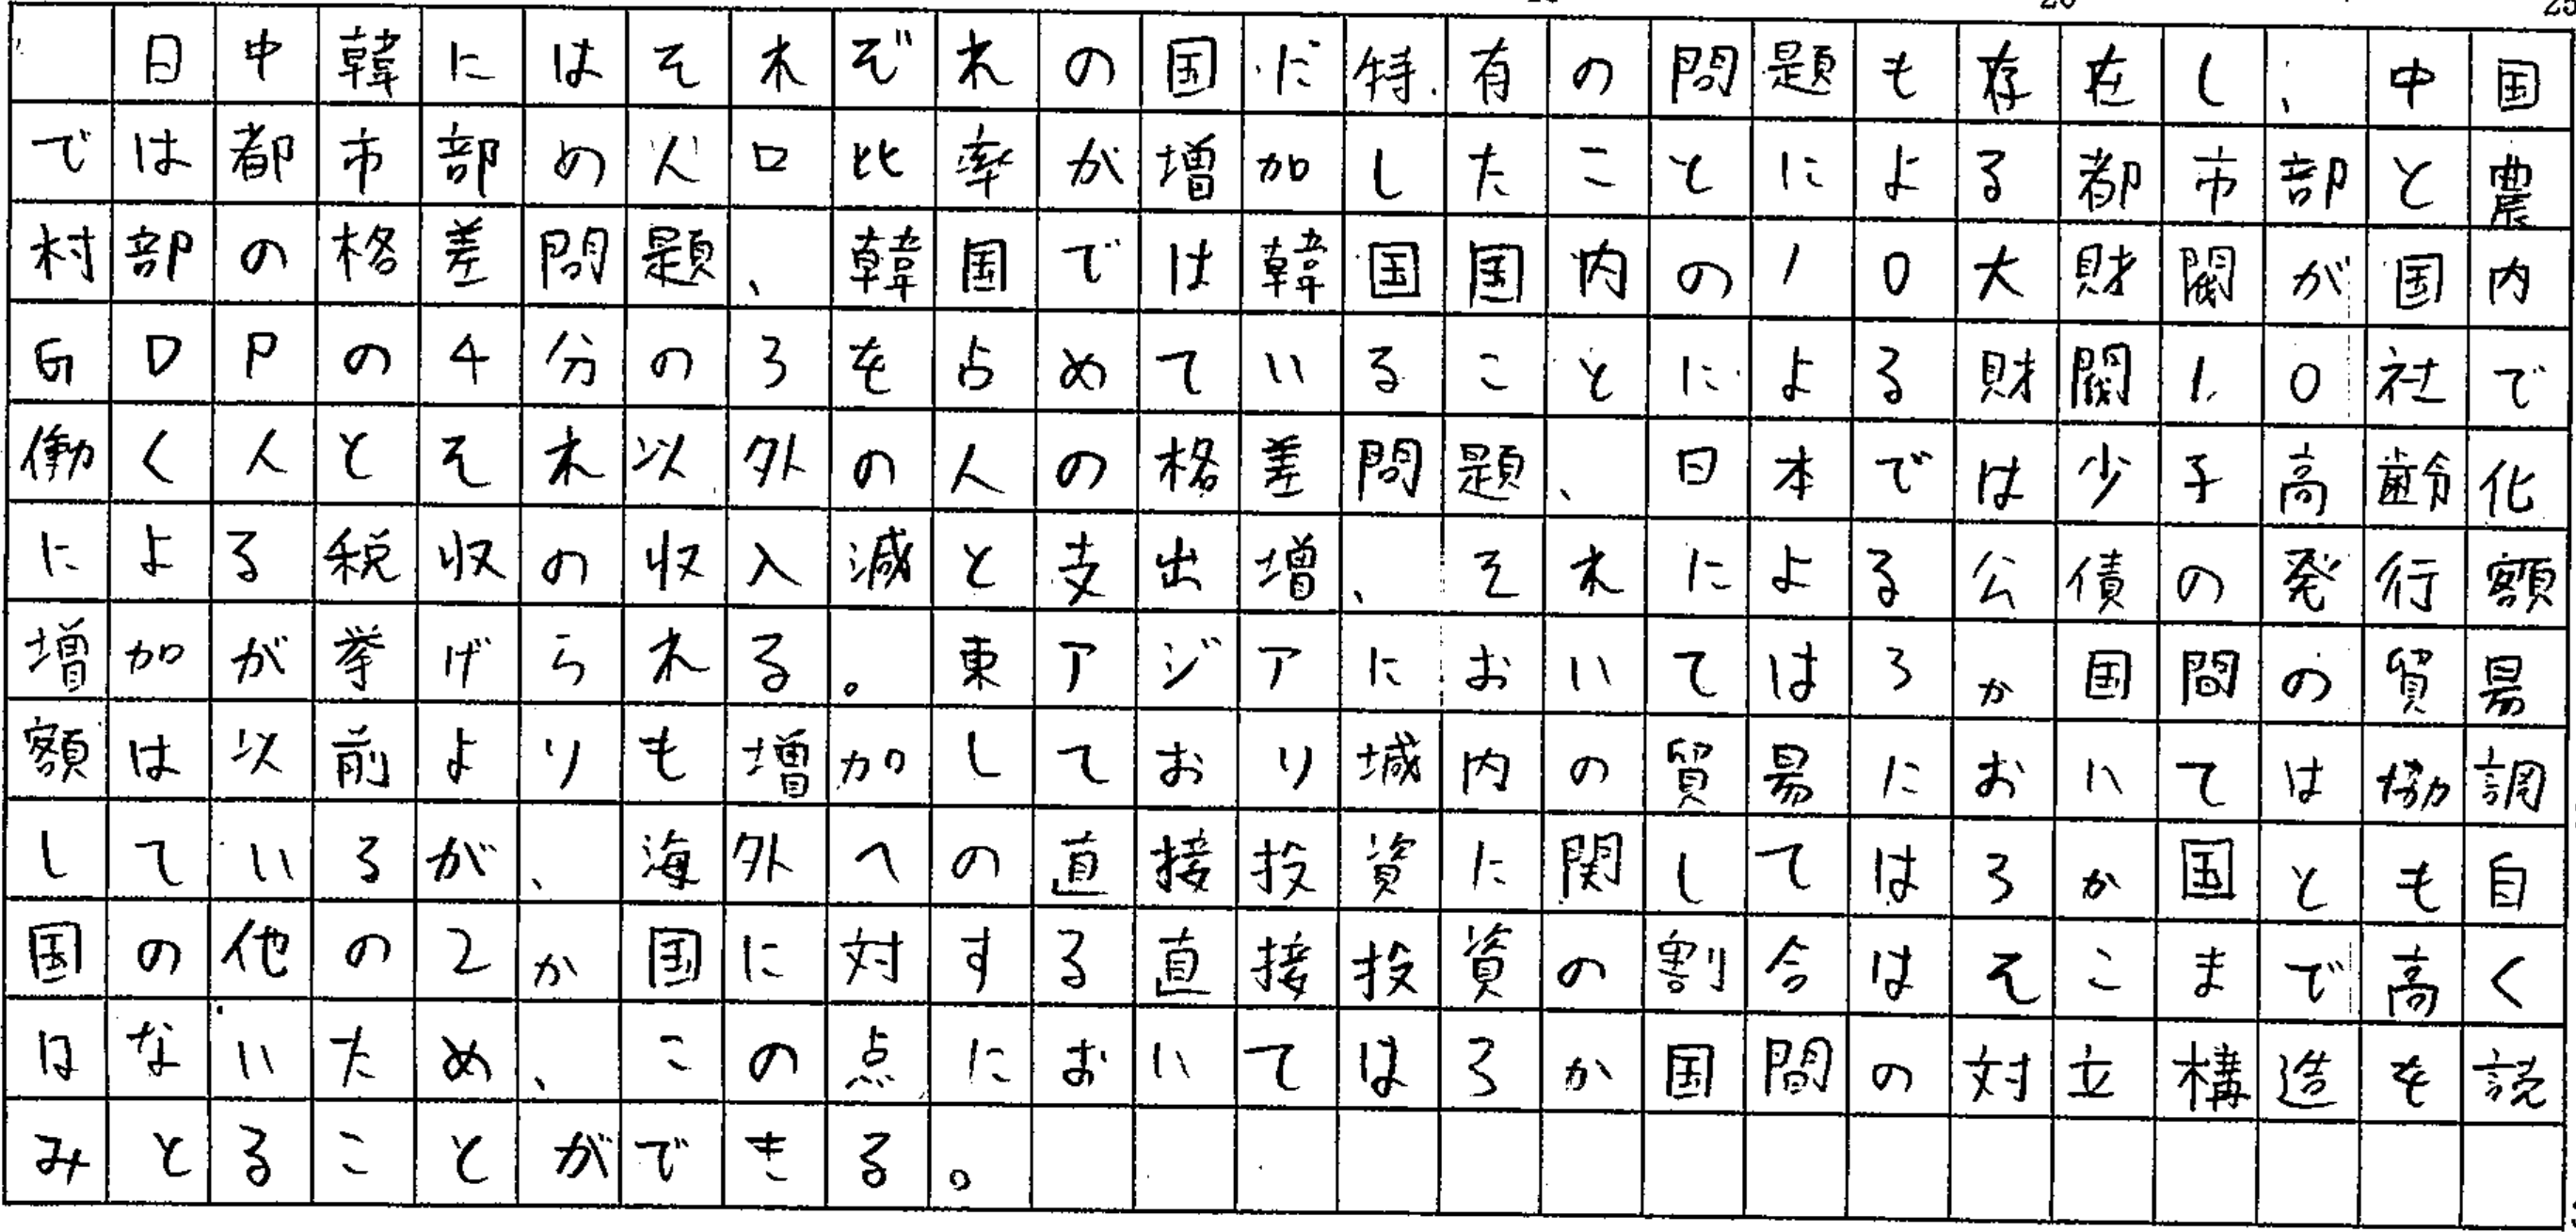　日中韓にはそれぞれの国に特有の問題も存在し、中国では都市部の人口比率が増加したことによる都市部と農村部の格差問題、韓国では韓国国内の１０大財閥が国内ＧＤＰの４分の３を占めていることによる財閥１０社で働く人とそれ以外の人の格差問題、日本では少子高齢化による税収の収入減と支出増、それによる公債の発行額増加が挙げられる。東アジアにおいては３か国間の貿昜額は以前よりも増加しており▁内の貿昜においては協調しているが、海外への直接投資に関しては３か国とも自国の他の２か国に対する直接投資の割合はそこまで高くはないため、この点においては３か国間の対立構造を読みとることができる。
